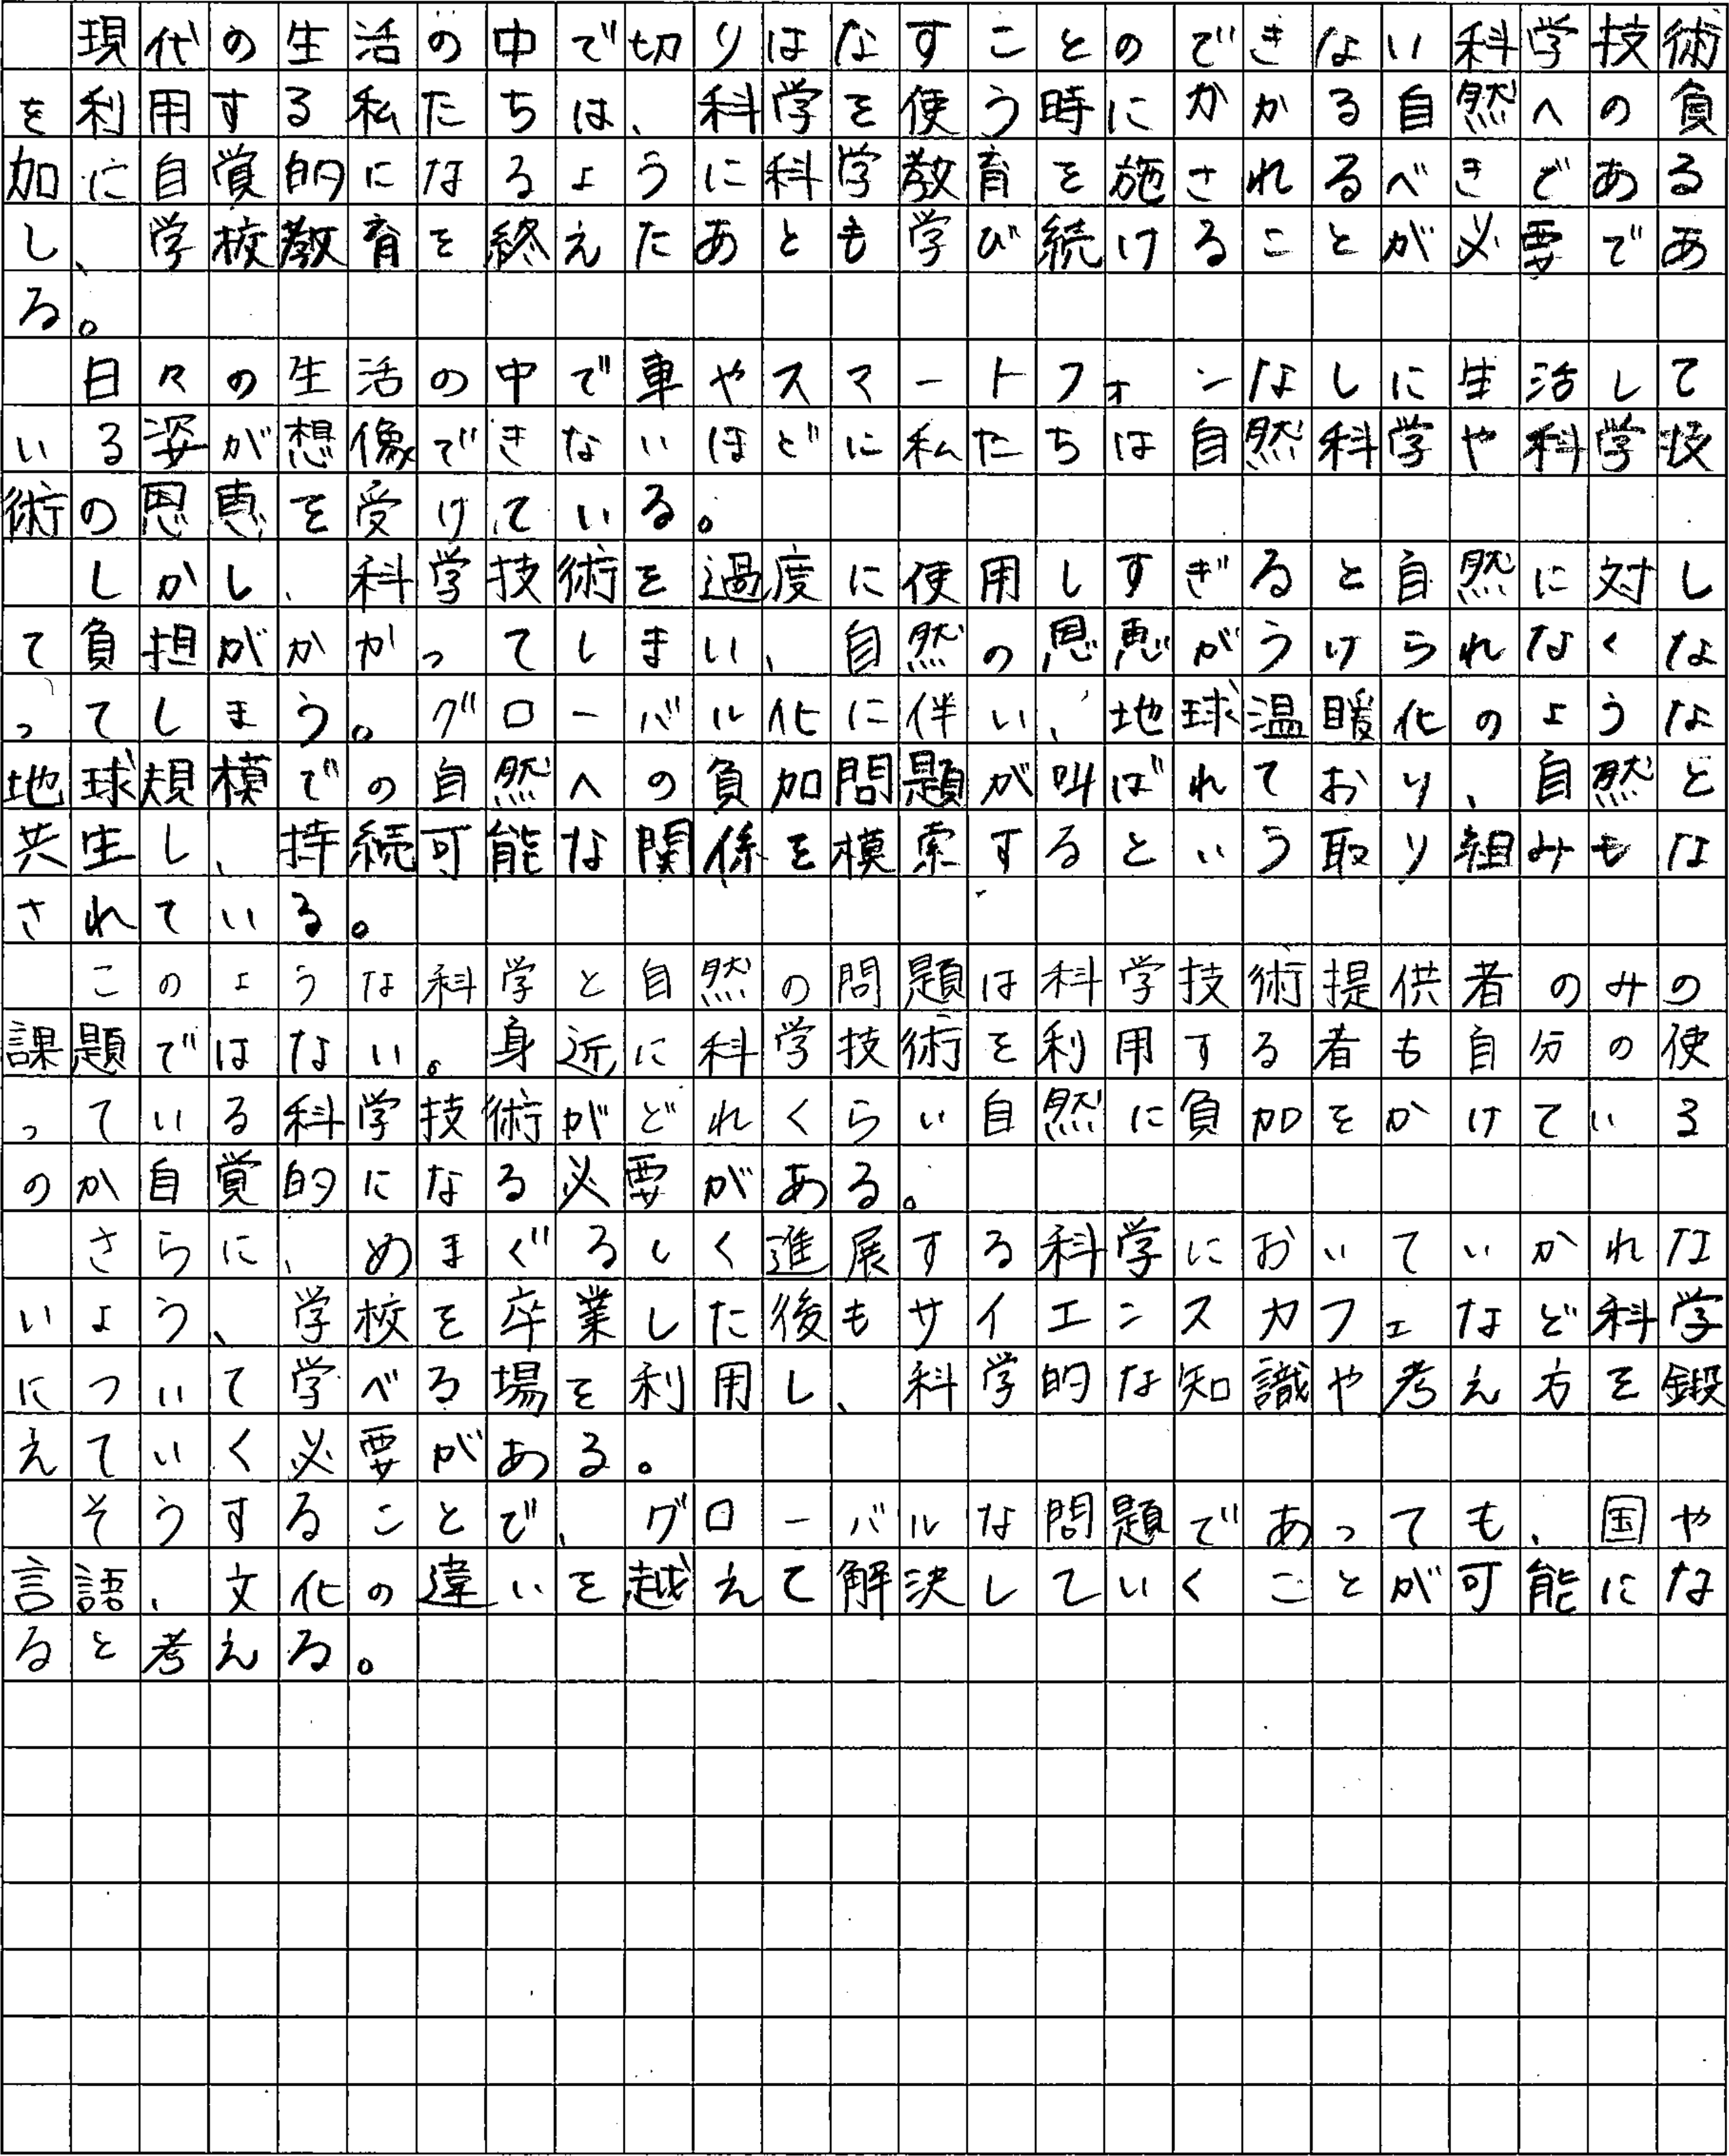　現代の生活の中で切りはなすことのできない科学技術を利用する私たちは、科学を使う時にかかる自然への負加に自覚的になるように科学教育を施されるべきであるし、学校教育を終えたあとも学び続けることが必要である。
　日々の生活の中で車やスマートフォンなしに生活している姿が想像できないほどに私たちは自然科学や科学技術の恩恵を受けている。
　しかし、科学技術を過度に使用しすぎると自然に対して負担がかかってしまい、自然の恩恵がうけられなくなってしまう。グローバル化に伴い、地球温暖化のような地球規模での自然への負加問題が叫ばれており、自然と共生し、持続可能な関係を模索するという取り組みもなされている。
　このような科学と自然の問題は科学技術提供者のみの課題ではない。身近に科学技術を利用する者も自分の使っている科学技術がどれくらい自然に負加をかけているのか自覚的になる必要がある。
　さらに、めまぐるしく進展する科学においていかれないよう、学校を卒業した後もサイエンスカフェなど科学について学べる場を利用し、科学的な知識や考え方を鍛えていく必要がある。
　そうすることで、グローバルな問題であっても、国や言語、文化の違いを越えて解決していくことが可能になると考える。
